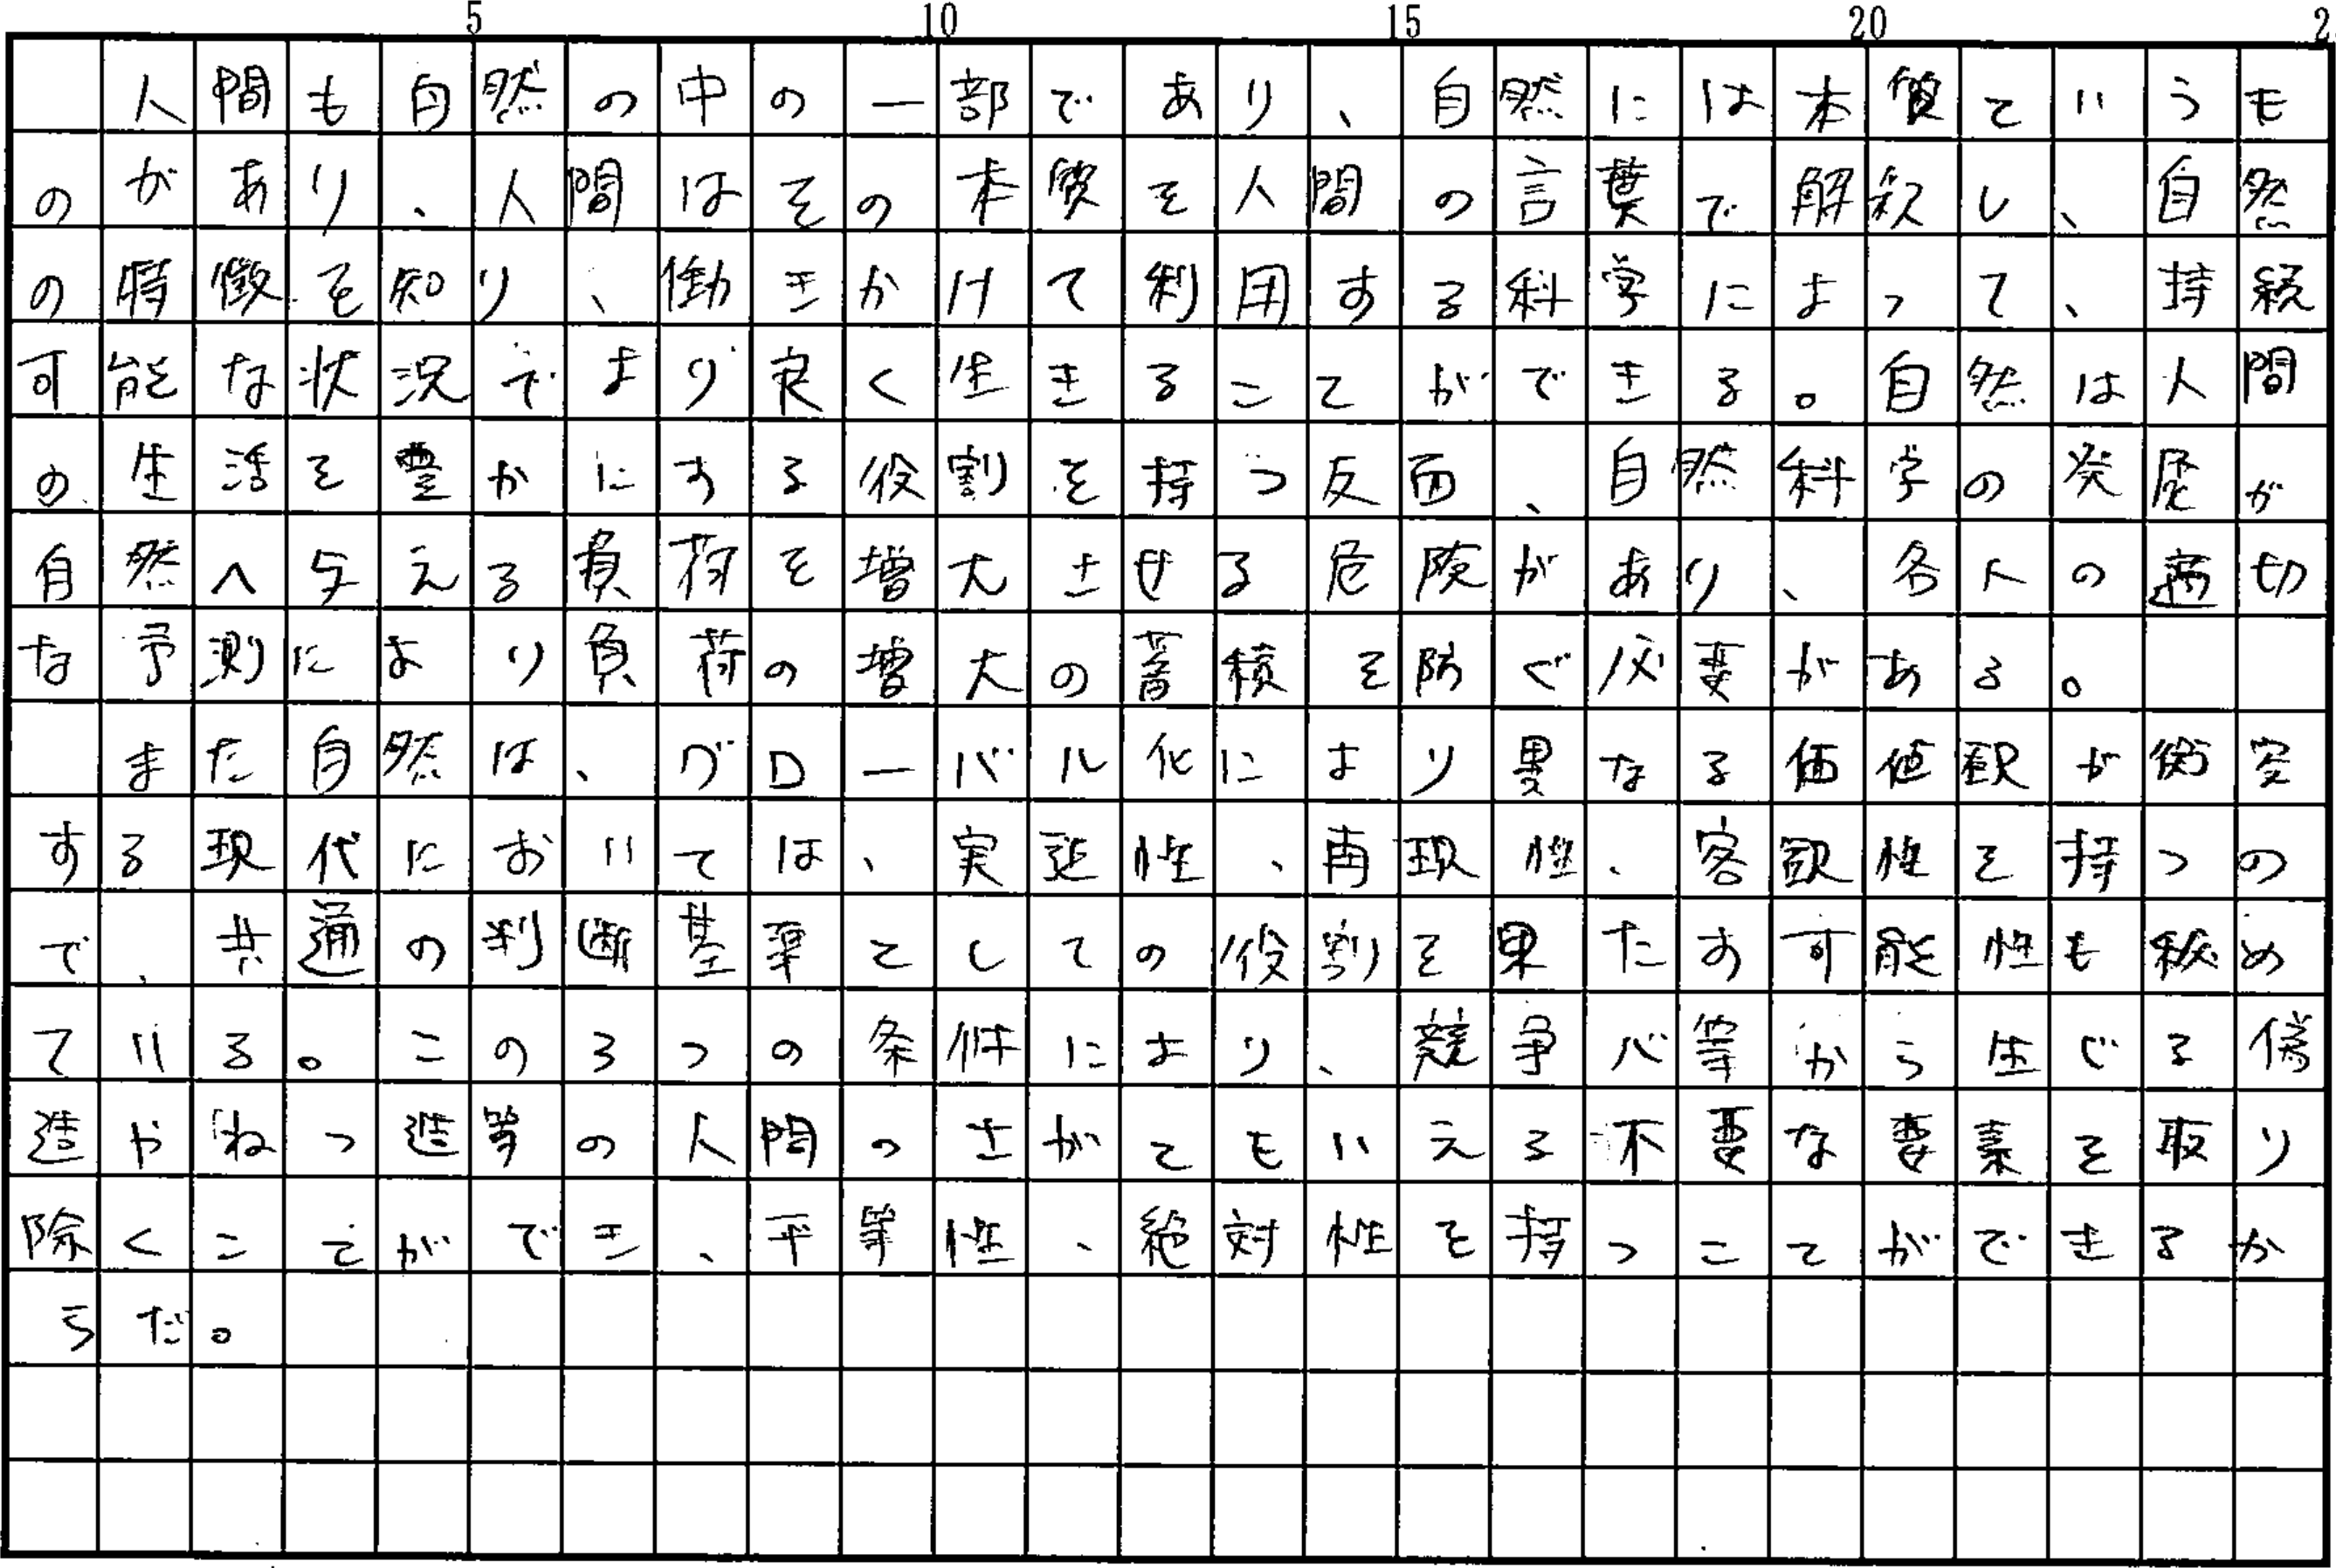　人間も自然の中の一部であり、自然には本質というものがあり、人間はその本質を人間の言葉で解釈し、自然の特徴を知り、働きかけて利用する科学によって、持続可能な状況でより良く生きることができる。自然は人間の生活を豊かにする役割を持つ反面、自然科学の発▁が自然へ与える負荷を増大させる危険があり、各人の適切な予測により負荷の増大の蓄積を防ぐ必要がある。
　また自然は、グローバル化により異なる価値観が衡突する現代においては、実▁性、再現性、客観性を持つので、共通の判断基準としての役割を果たす可能性も秘めている。この３つの条件により、競争心等から生じる偽造やねつ造等の人間のさがともいえる不要な要素を取り除くことができ、平等性、絶対性を持つことができるからだ。
